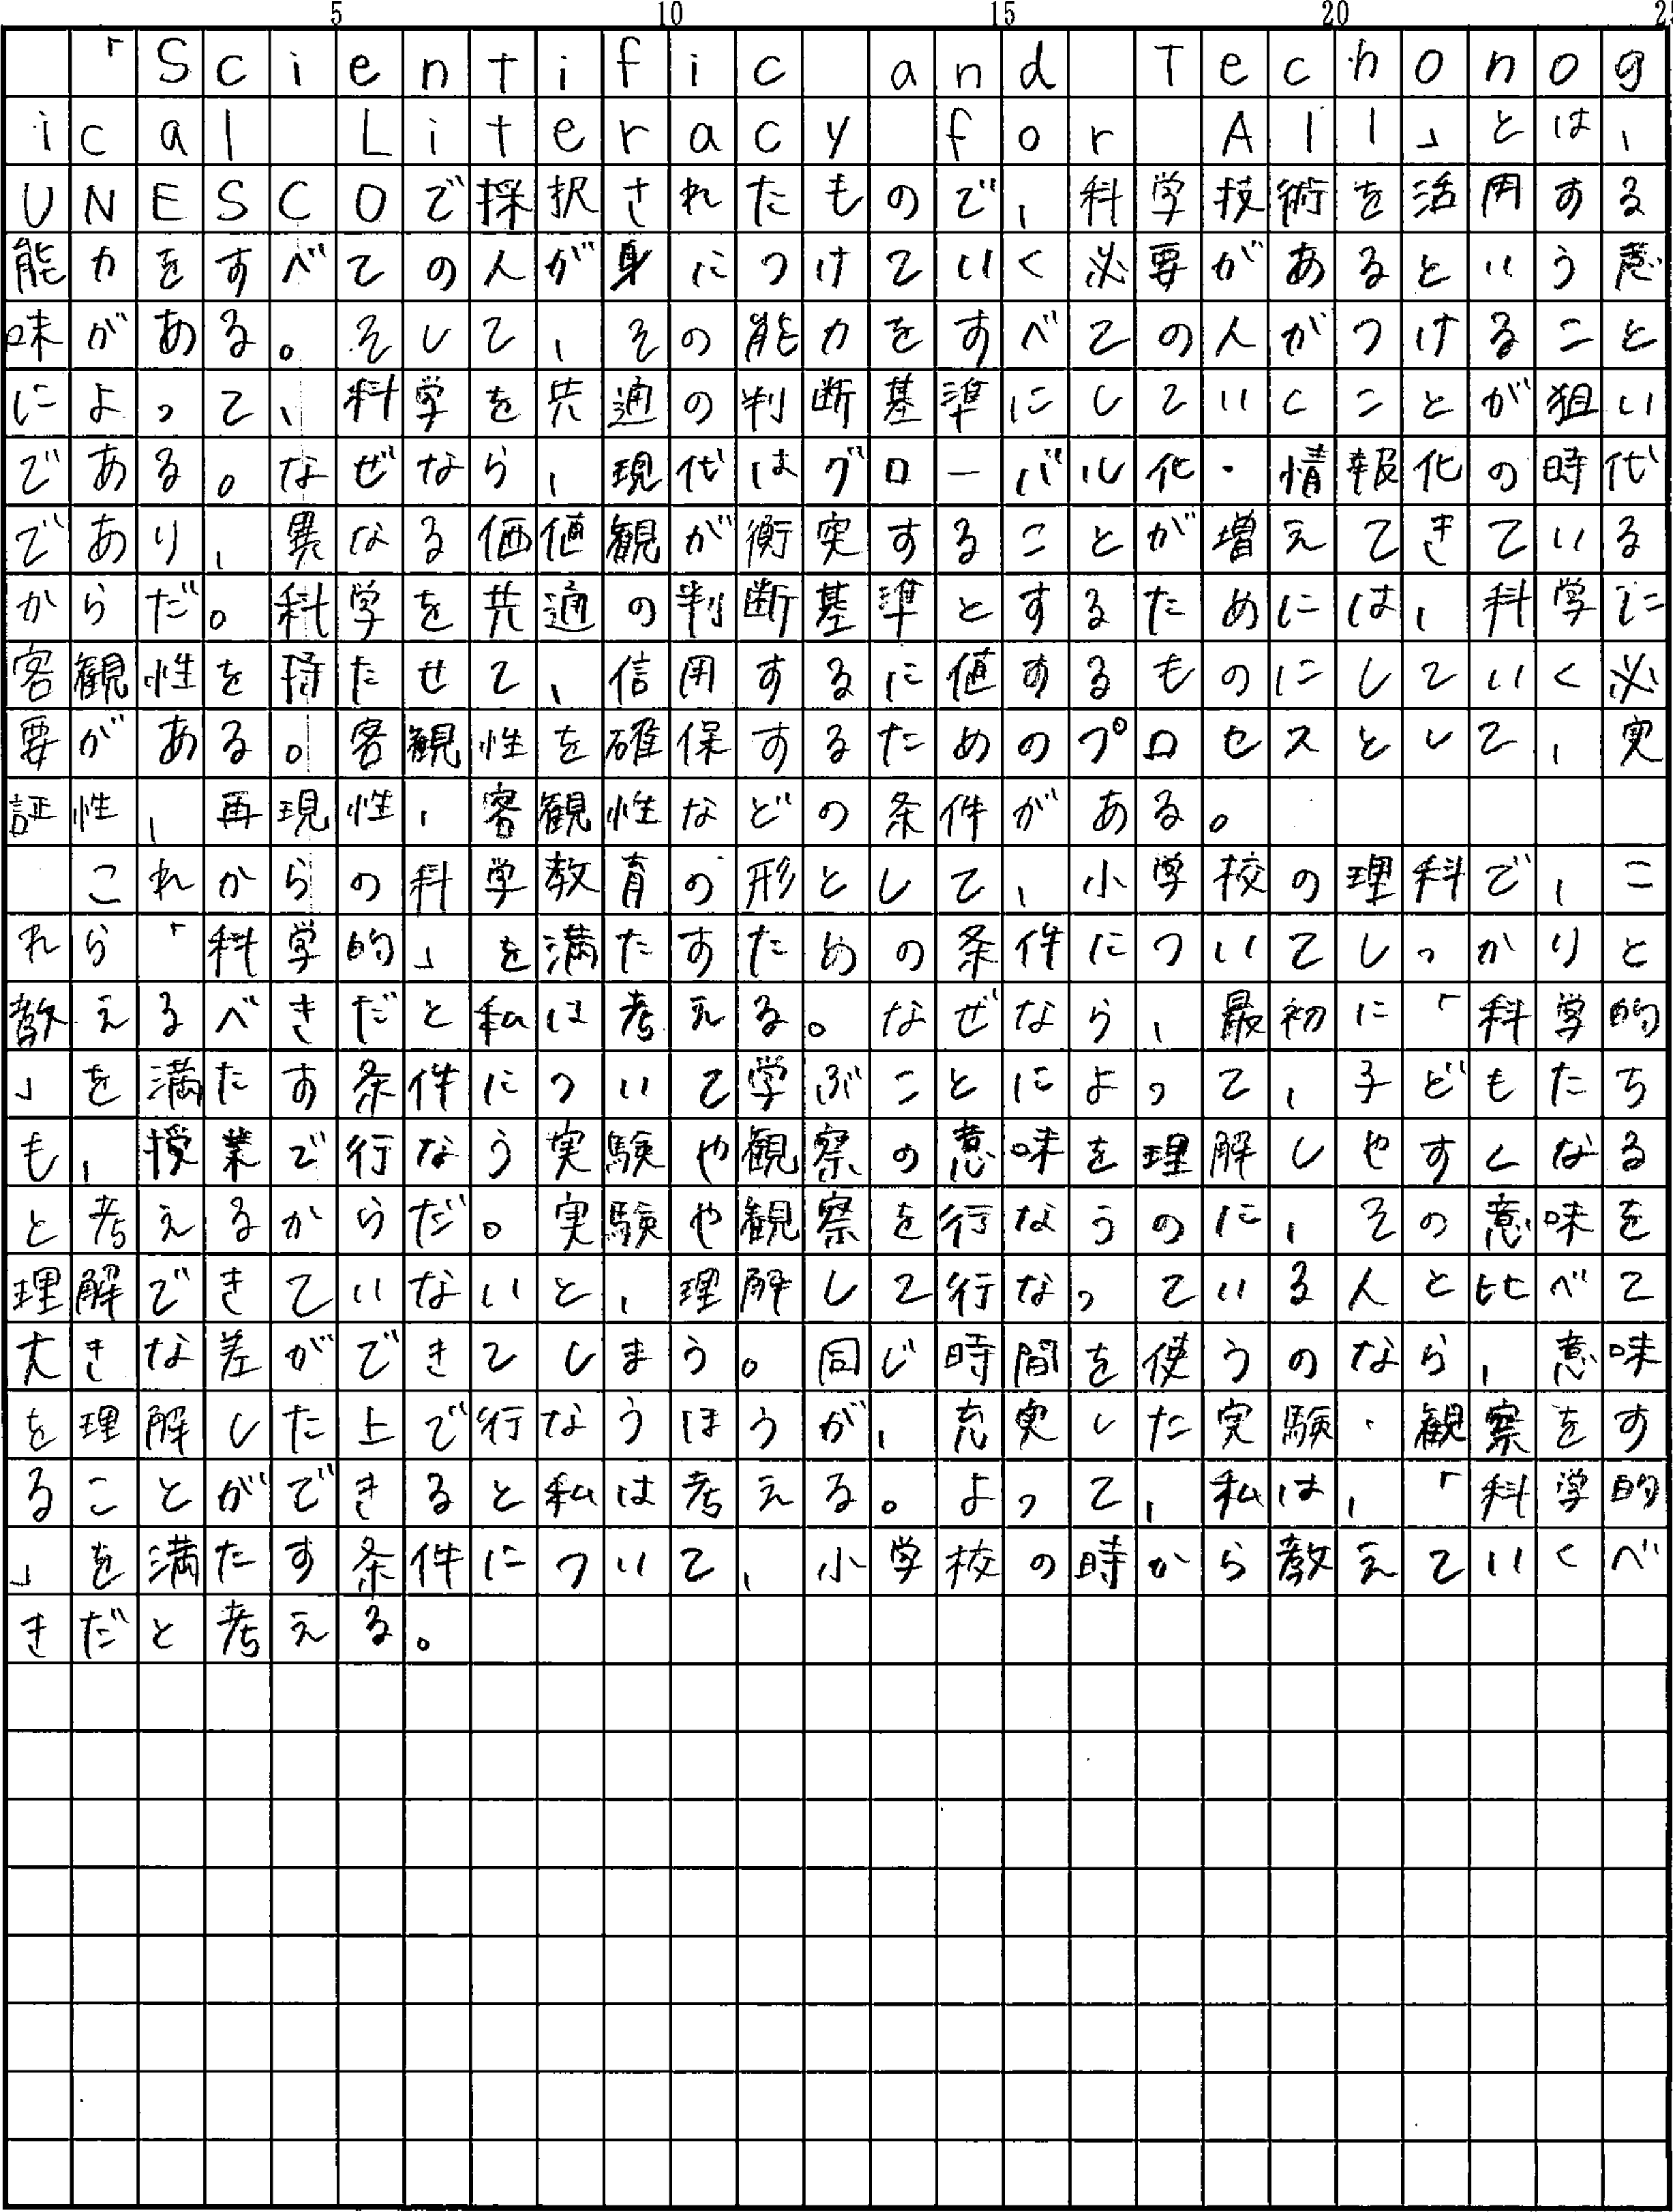　「Ｓｃｉｅｎｔｉｆｉｃ　ａｎｄ　Ｔｅｃｈｏｎｏｌｏｇｉｃａｌ　Ｌｉｔｅｒａｃｙ　ｆｏｒ　Ａｌｌ」とは、ＵＮＥＳＣＯで採択されたもので、科学技術を活用する能力をすべての人が身につけていく必要があるという意味がある。そして、その能力をすべての人がつけることによって、科学を共通の判断基準にしていくことが狙いである。なぜなら、現代はグローバル化・情報化の時代であり、異なる価値観が衡突することが増えてきているからだ。科学を共通の判断基準とするためには、科学に客観性を持たせて、信用するに値するものにしていく必要がある。客観性を確保するためのプロセスとして、実証性、再現性、客観性などの条件がある。
　これからの科学教育の形として、小学校の理科で、これら「科学的」を満たすための条件についてしっかりと教えるべきだと私は考える。なぜなら、最初に「科学的」を満たす条件について学ぶことによって、子どもたちも、授業で行なう実験や観察の意味を理解しやすくなると考えるからだ。実験や観察を行なうのに、その意味を理解できていないと、理解して行なっている人と比べて大きな差ができてしまう。同じ時間を使うのなら、意味を理解した上で行なうほうが、充実した実験・観察をすることができると私は考える。よって、私は、「科学的」を満たす条件について、小学校の時から教えていくべきだと考える。
